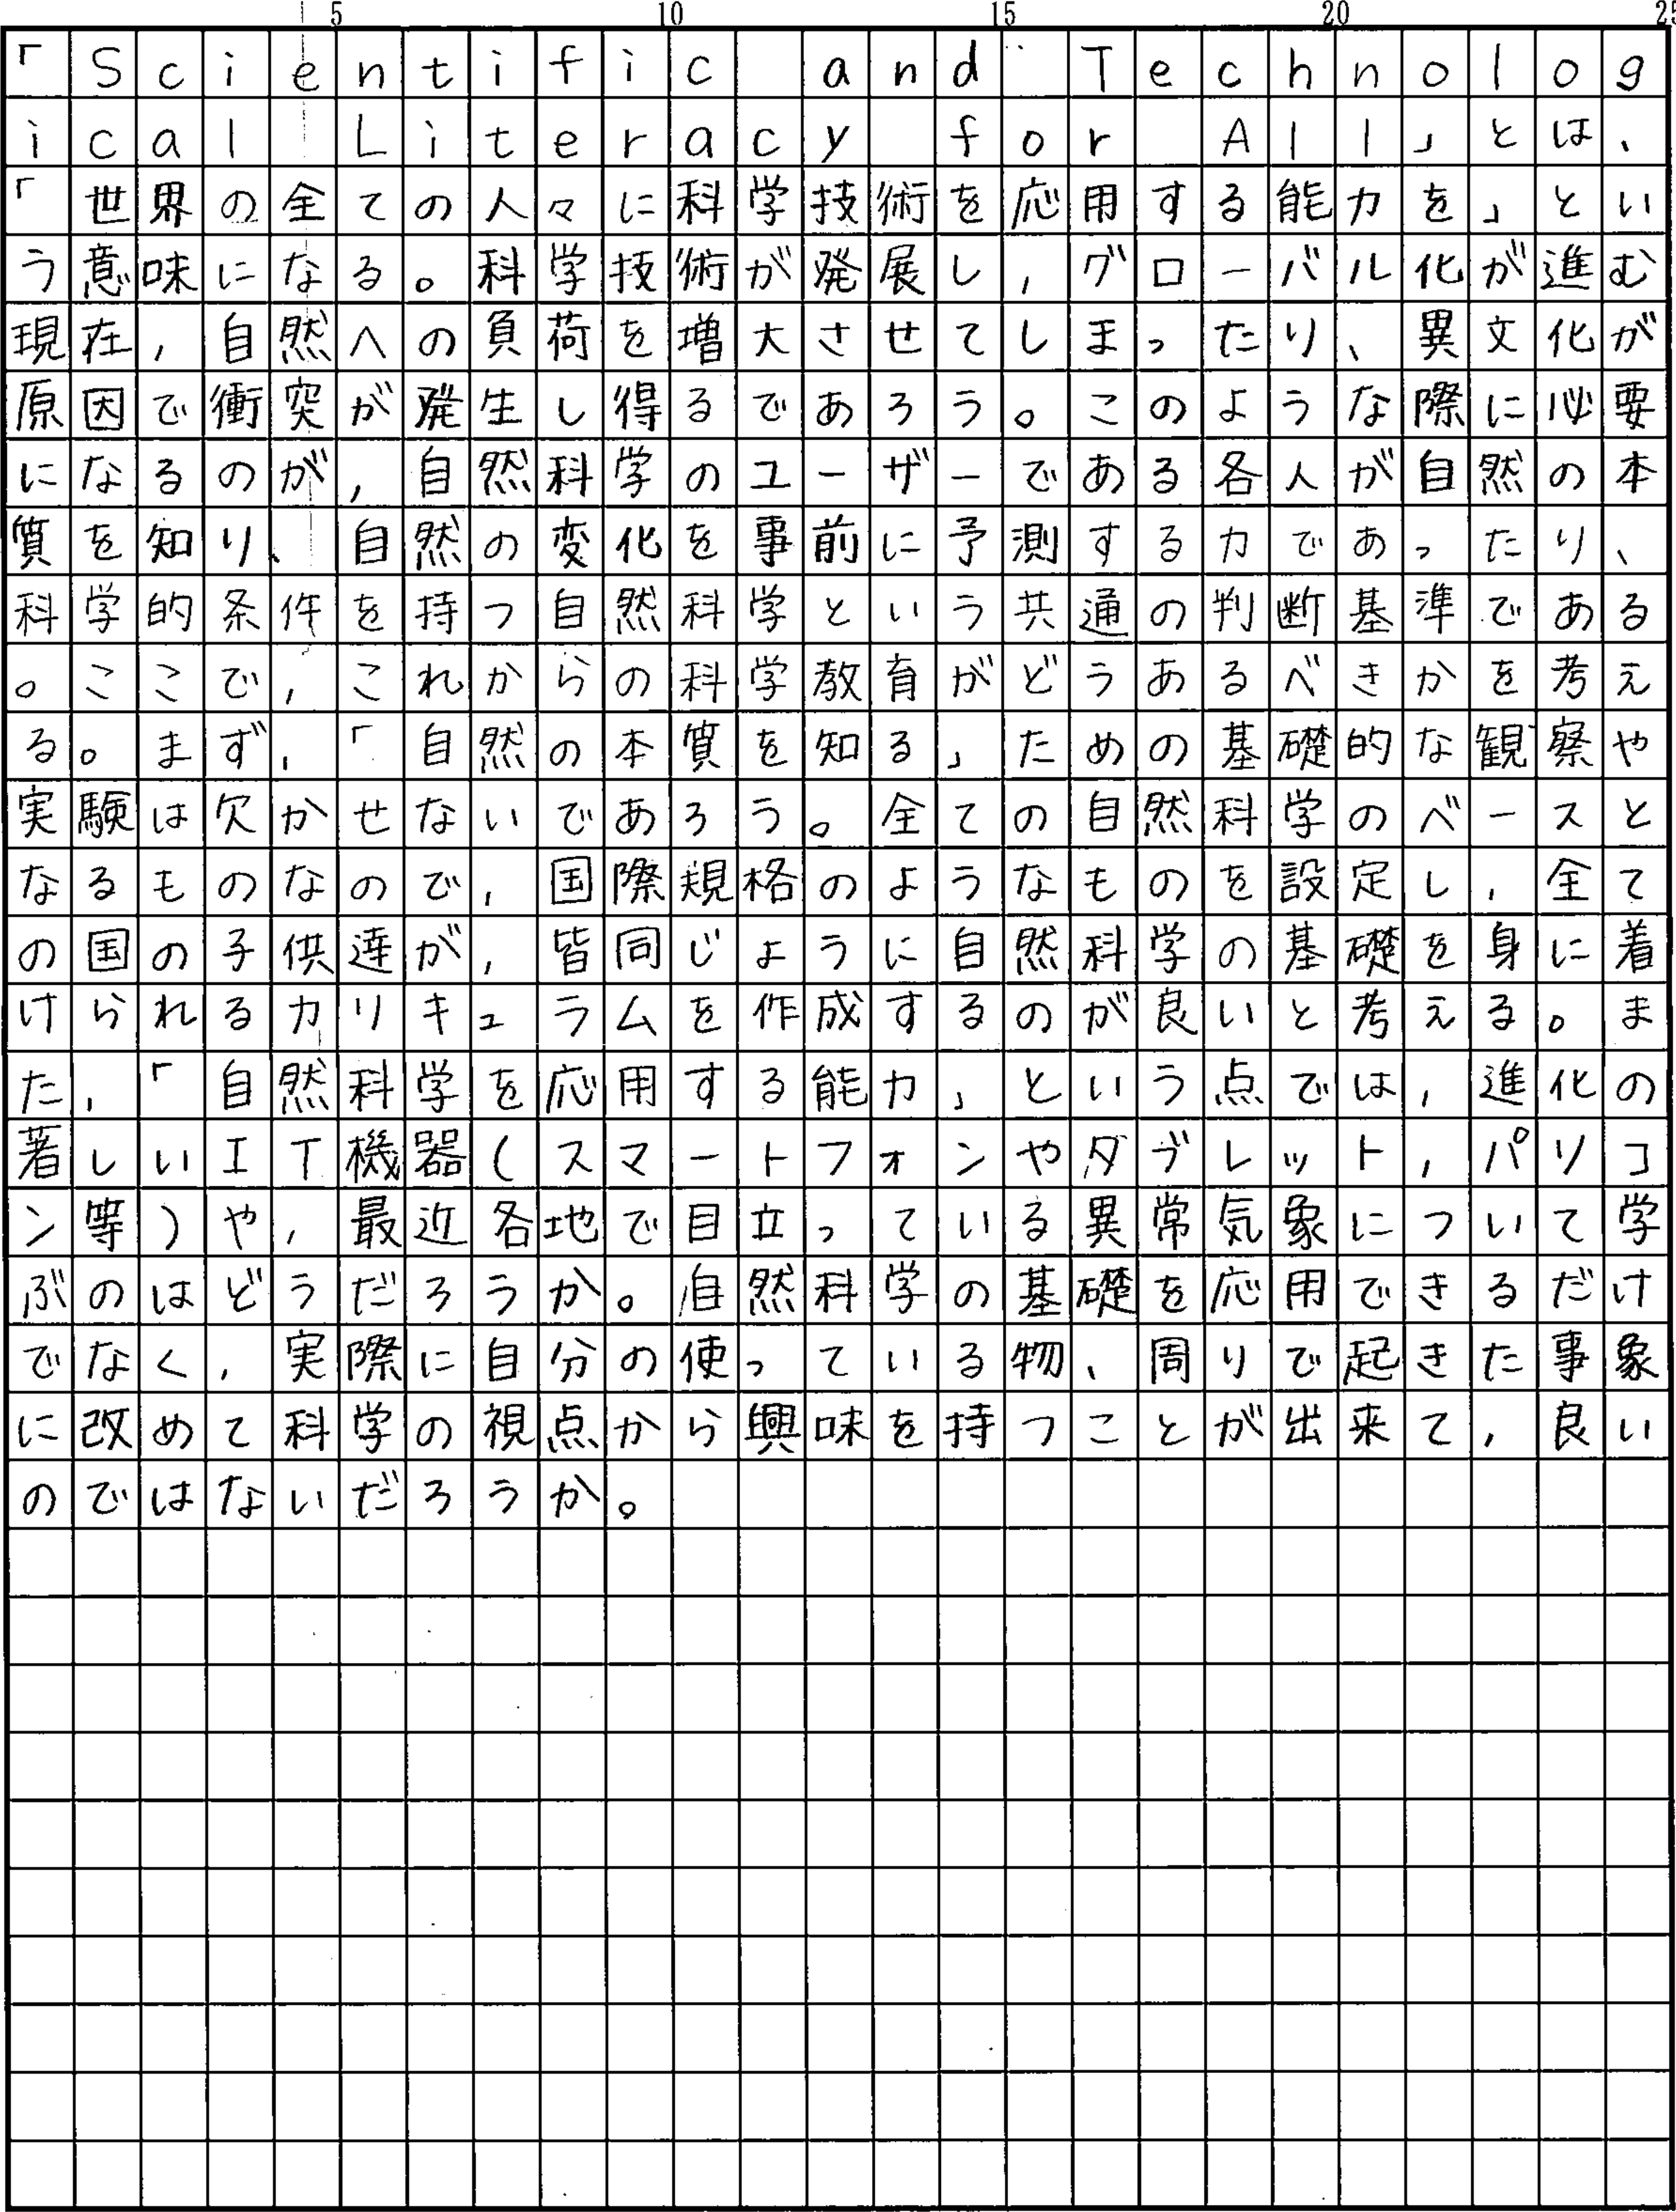「Ｓｃｉｅｎｔｉｆｉｃ　ａｎｄ　Ｔｅｃｈｎｏｌｏｇｉｃａｌ　Ｌｉｔｅｒａｃｙ　ｆｏｒ　Ａｌｌ」とは、「世界の全ての人々に科学技術を応用する能力を」という意味になる。科学技術が発展し、グローバル化が進む現在、自然への負荷を増大させてしまったり、異文化が原因で衝突が発生し得るであろう。このような際に必要になるのが、自然科学のユーザーである各人が自然の本質を知り、自然の変化を事前に予測する力であったり、科学的条件を持つ自然科学という共通の判断基準である。ここで、これからの科学教育がどうあるべきかを考える。まず、「自然の本質を知る」ための基礎的な観察や実験は欠かせないであろう。全ての自然科学のベースとなるものなので、国際規格のようなものを設定し、全ての国の子供▁が、皆同じように自然科学の基礎を身に着けられるカリキュラムを作成するのが良いと考える。また、「自然科学を応用する能力」という点では、進化の著しいＩＴ機器（スマートフォンやタブレット、パソコン等）や、最近各地で目立っている異常気象について学ぶのはどうだろうか。自然科学の基礎を応用できるだけでなく、実際に自分の使っている物、周りで起きた事象に改めて科学の視点から興味を持つことが出来て、良いのではないだろうか。
